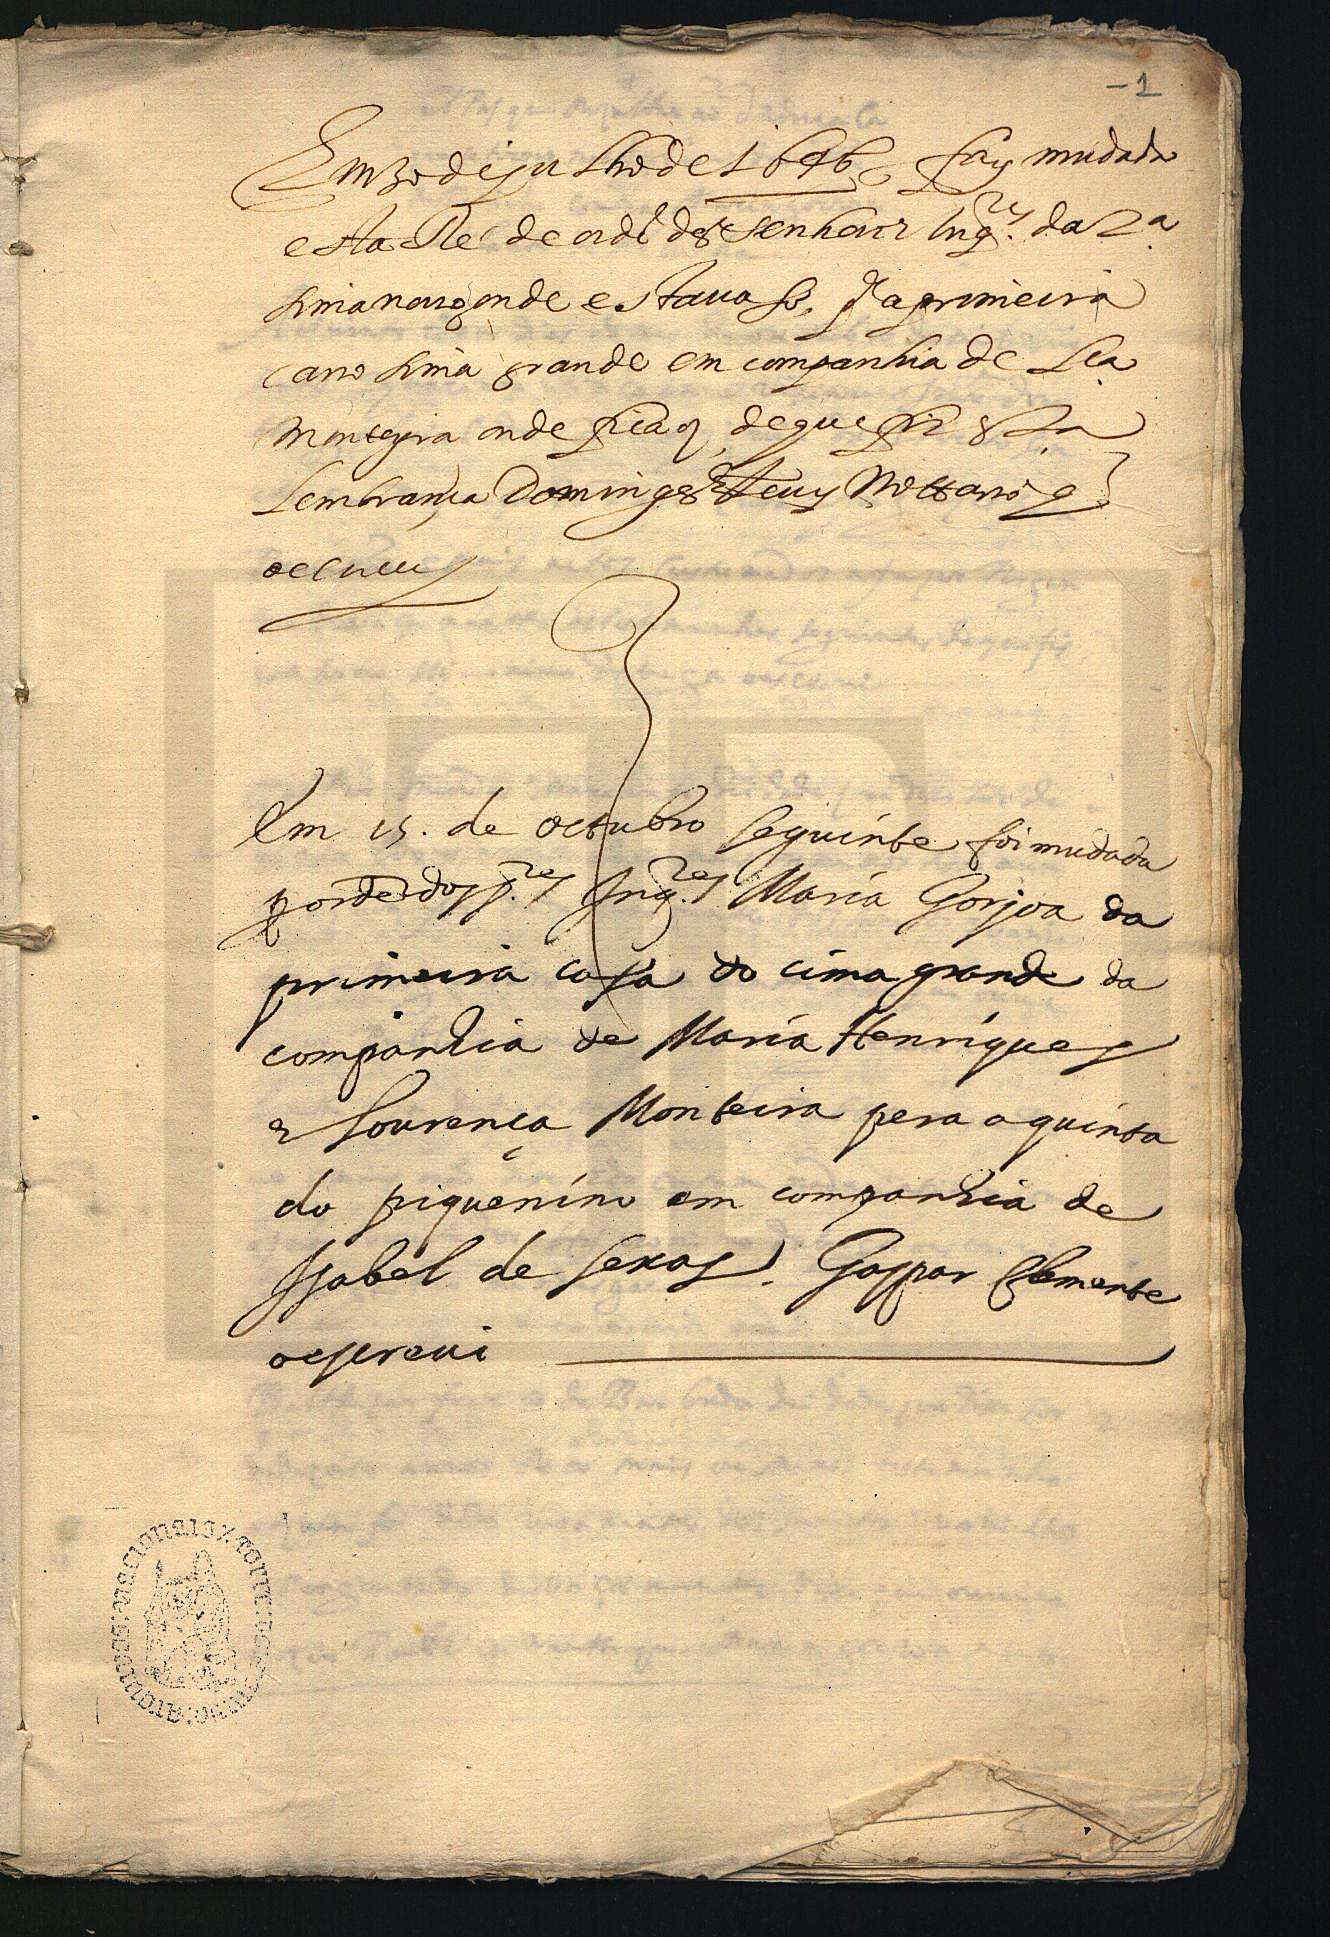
Em 10 de julho de 1646 foy mudada
esta Ré de ordē dos Senhores Inq.res da 2a
sima nouo, onde estaua so, pa a primeira
cano sima grande em companhia de Lça
monteyra onde ficaõ, de que fis esta
Lembrança Domingos Esteues nottario q̄
o escreuj
Em 15. de octubro seguinte foi mudada
ꝑ ordē dos s.res Jnq.res Maria Gorjoa da
primeira casa do cima grande da
companhia de Maria Henriques
E Lourença Monteira pera a quinta
do piquenino em companhia de
Jsabel de Sexas Gaspar Clemente
o escreui
